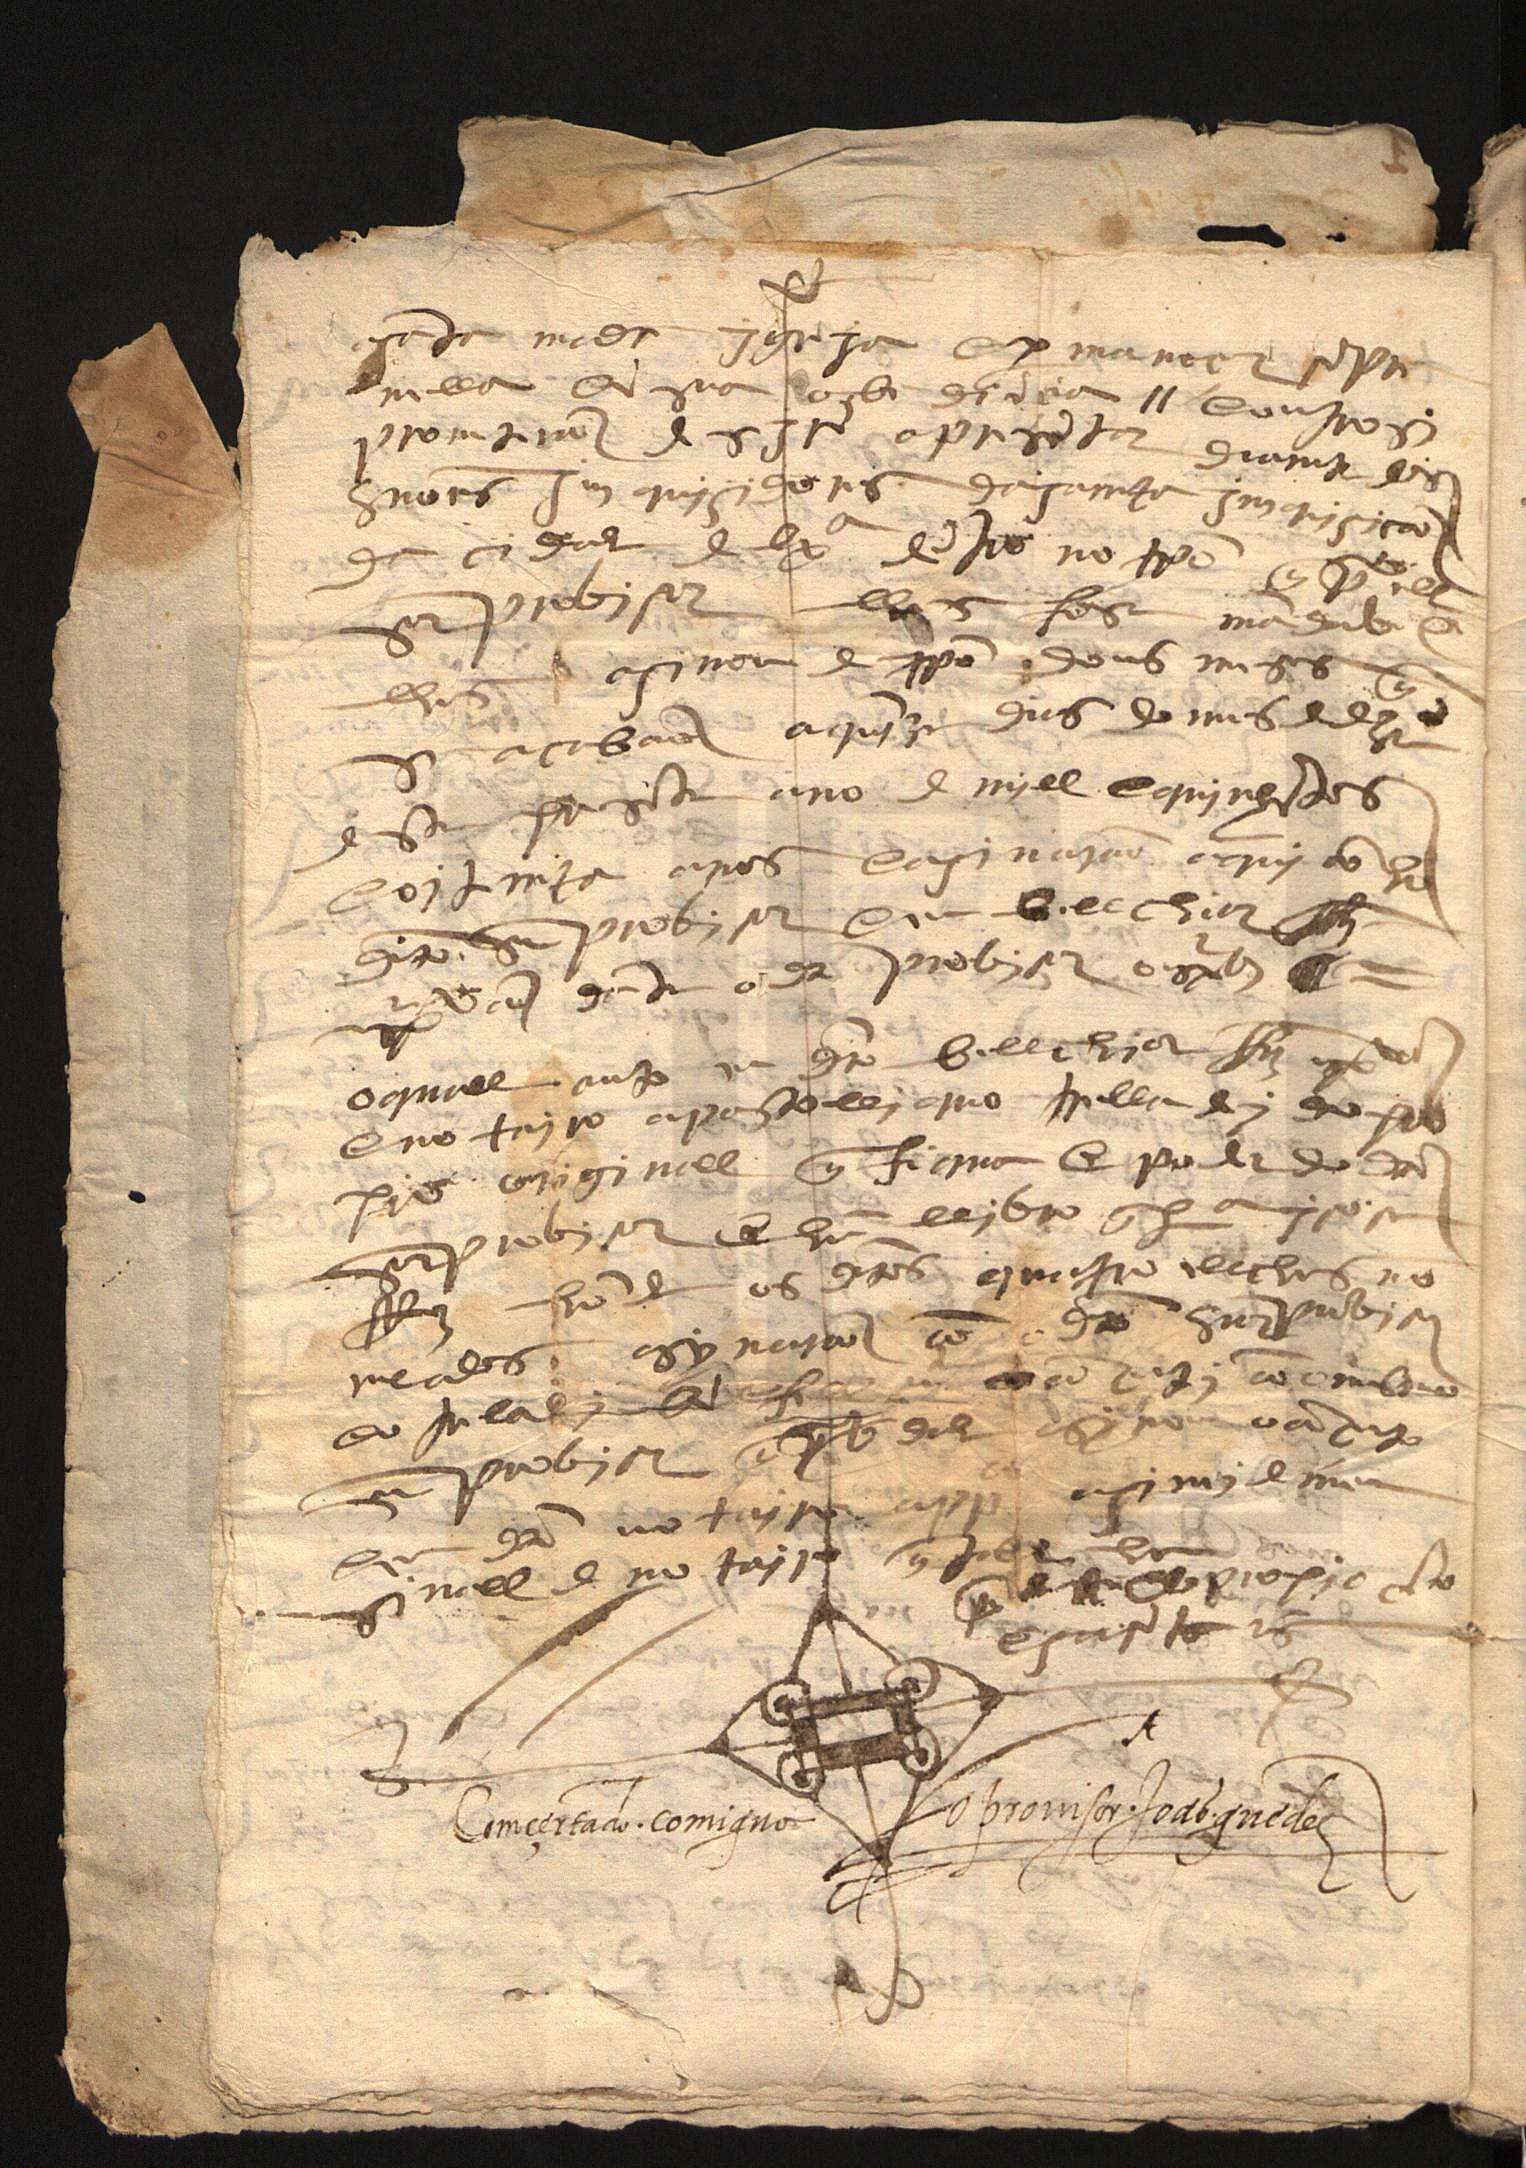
a sāta madre JgreJa e ꝑmaneçer sēpre
nella e ē sua obediēçia // e outrosj
prometeraõ de se Jrē apresētar diamte dos
snors̄ Jmqujsidores da samta Jmqujsiçaõ
da cidade de lxa dētro no tpō q̄ p̄o ell
sor̄ provisor lhes fose mādado e
lhes asinou de tpō dous meses q̄
se acabaõ a quj̄ze dias do mes de dezro
deste presēte ano de mjll e qujnhētos
e ojtemta anos e asinaraõ aquj cō ho
dit̄o sōr provisor e eu bellchior ffrz̄
esp̄vaõ dāte o dito provisor o esp̄ivj
o quall auto eu dit̄o bellchior ffrz̄ esp̄ivaõ
e notajro apostolljquo trelladej do pro
pio originall q̄ firma ē poder do ditō
sor̄ provjsor ē hū lljvro q̄ ꝑa jso se
ffez hōde os dit̄os quatro ellches no
meados asynaraõ cō o dt̄o sor̄ provisor
e o treladej bē e fielmte e cōcertej cō o mesmo
sor̄ provjsor q̄ p̄ ꝟdade asynou o cōçerto
e eu dtō notajro appco asjnej de meu
sinall de notajro q̄ tall he
p̄g deste e do propio cēto
e sasēta rs̄
Comçertado. comiguo
o prouisor. Joaõ. guedez
